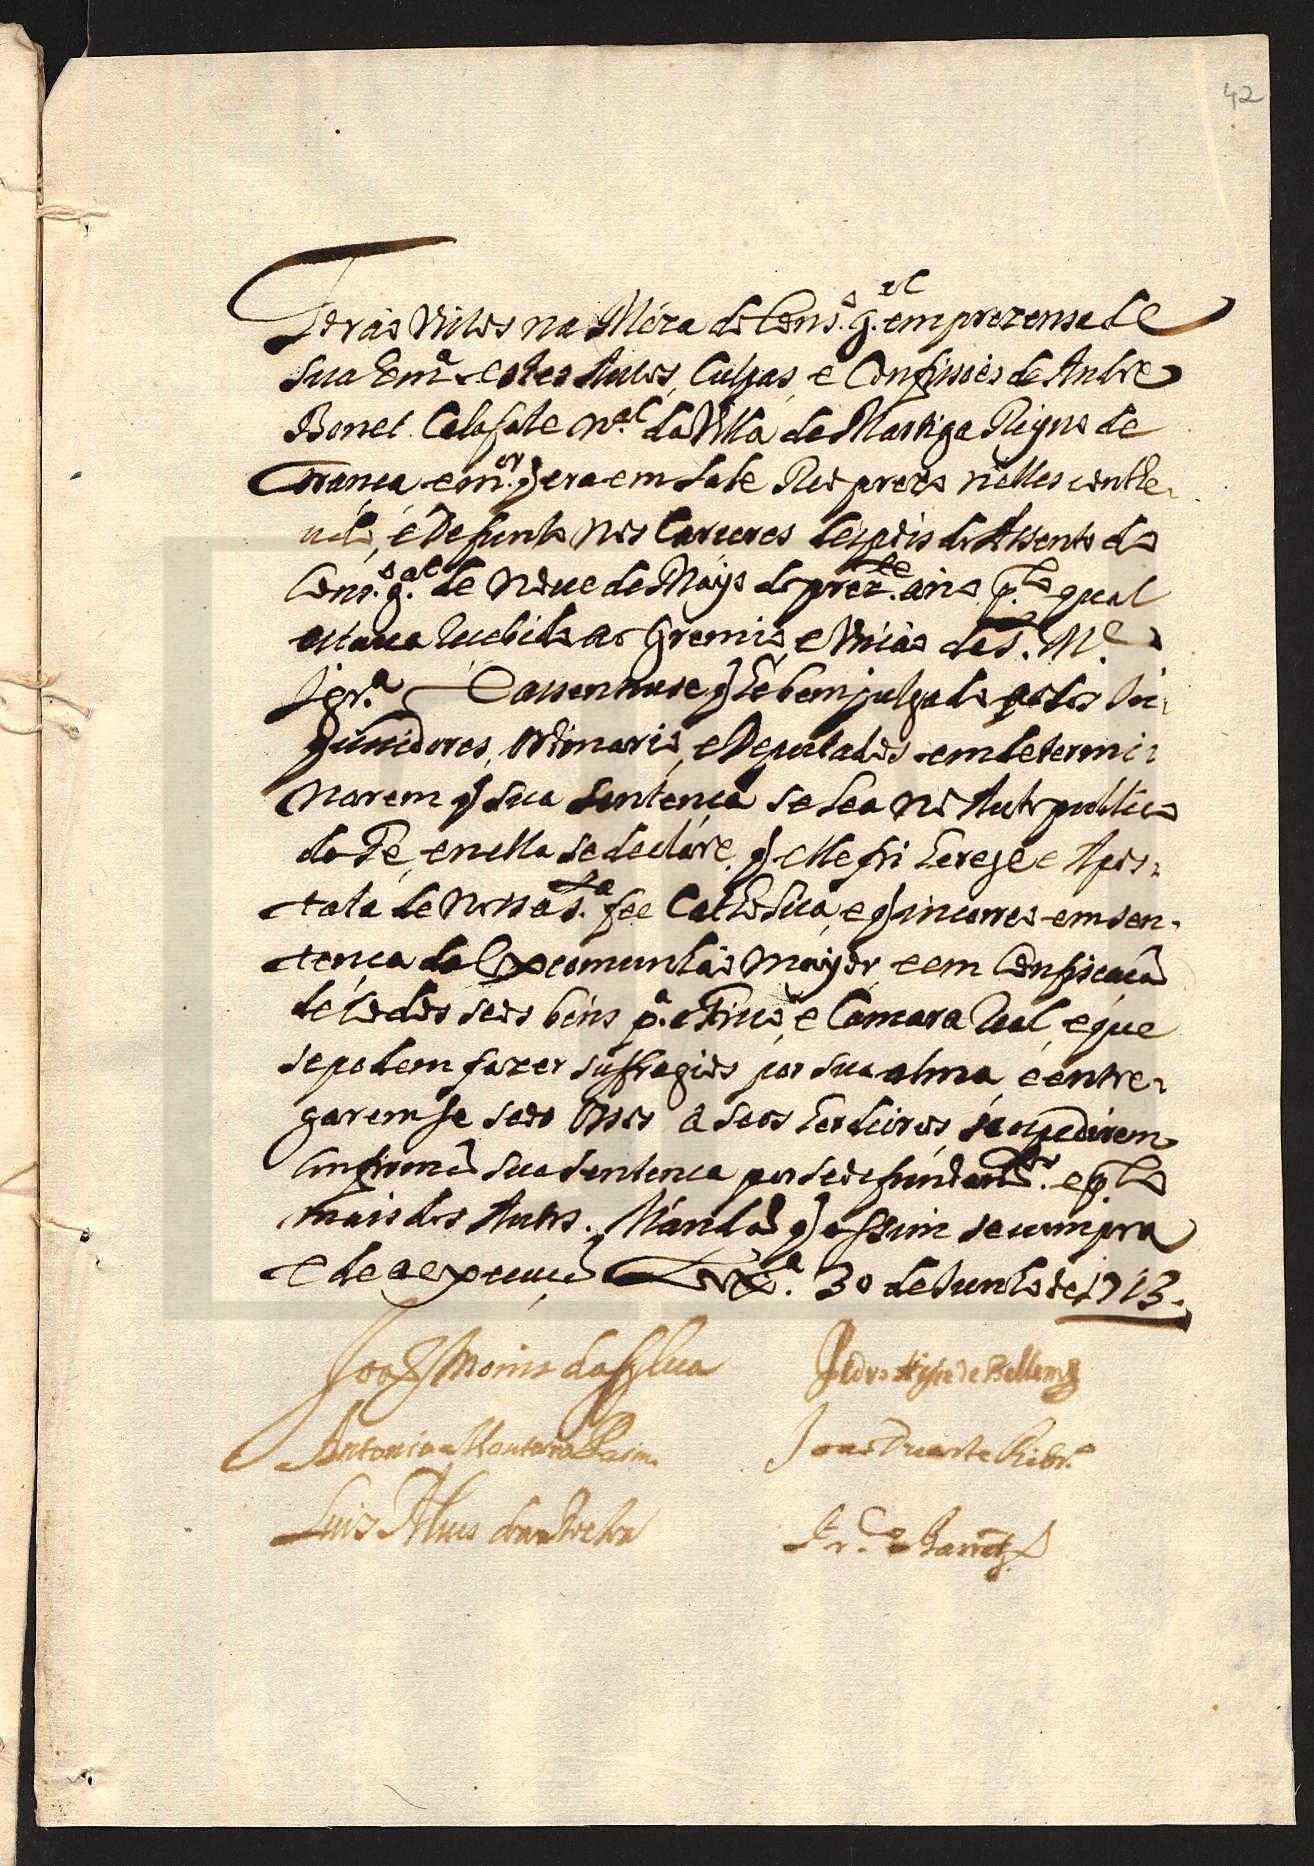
Forão vistos na Meza do Cons.o g.al em prezensa de
sua Ema estes Autos, Culpas, e Confissoẽs de Andre
Bonet Calafate n.al da Villa de Martiga Reyno de
França e m.or q̄ era em sale Reo prezo nelles conthe
udo, e Defunto nos Carceres despois de Assento do
Cons.o g.al de noue de Mayo do prez.te ano p.lo qual
estaua Recebido ao Gremio, e Vnião de s.ta M.e
Igr.a E assentouse q̄ he bem julgado pelos In
quisidores, ordinario, e Deputados em determi
narem q̄ sua sentença se lea no Auto publico
da Fe, e nella se declare, q̄ elle foi herege Apos
tata de nossa s.ta fee Catholica, e q̄ incorreo em sen
tença da Excomunhaõ mayor, e em confiscaçaõ
de todos seos bens p.a o Fisco, e Camara Real, e que
se podem fazer suffragios por sua alma, e entre
garemse seos ossos a seos herdeiros, se os pedirem
confirmaõ sua sentença por seos fundamtos. e p.lo
mais dos Autos. Mandaõ q̄ assim se cumpra
e de a execuçaõ Lix.a 30 de Iunho de i7i3.
Joaõ Monis da sylua
Pedro Hisse de Bellem
Antonio Monteiro Paim
Ioaõ Duarte Ribr.o
Luis Alues da Rocha
Fr.Co Barreto
